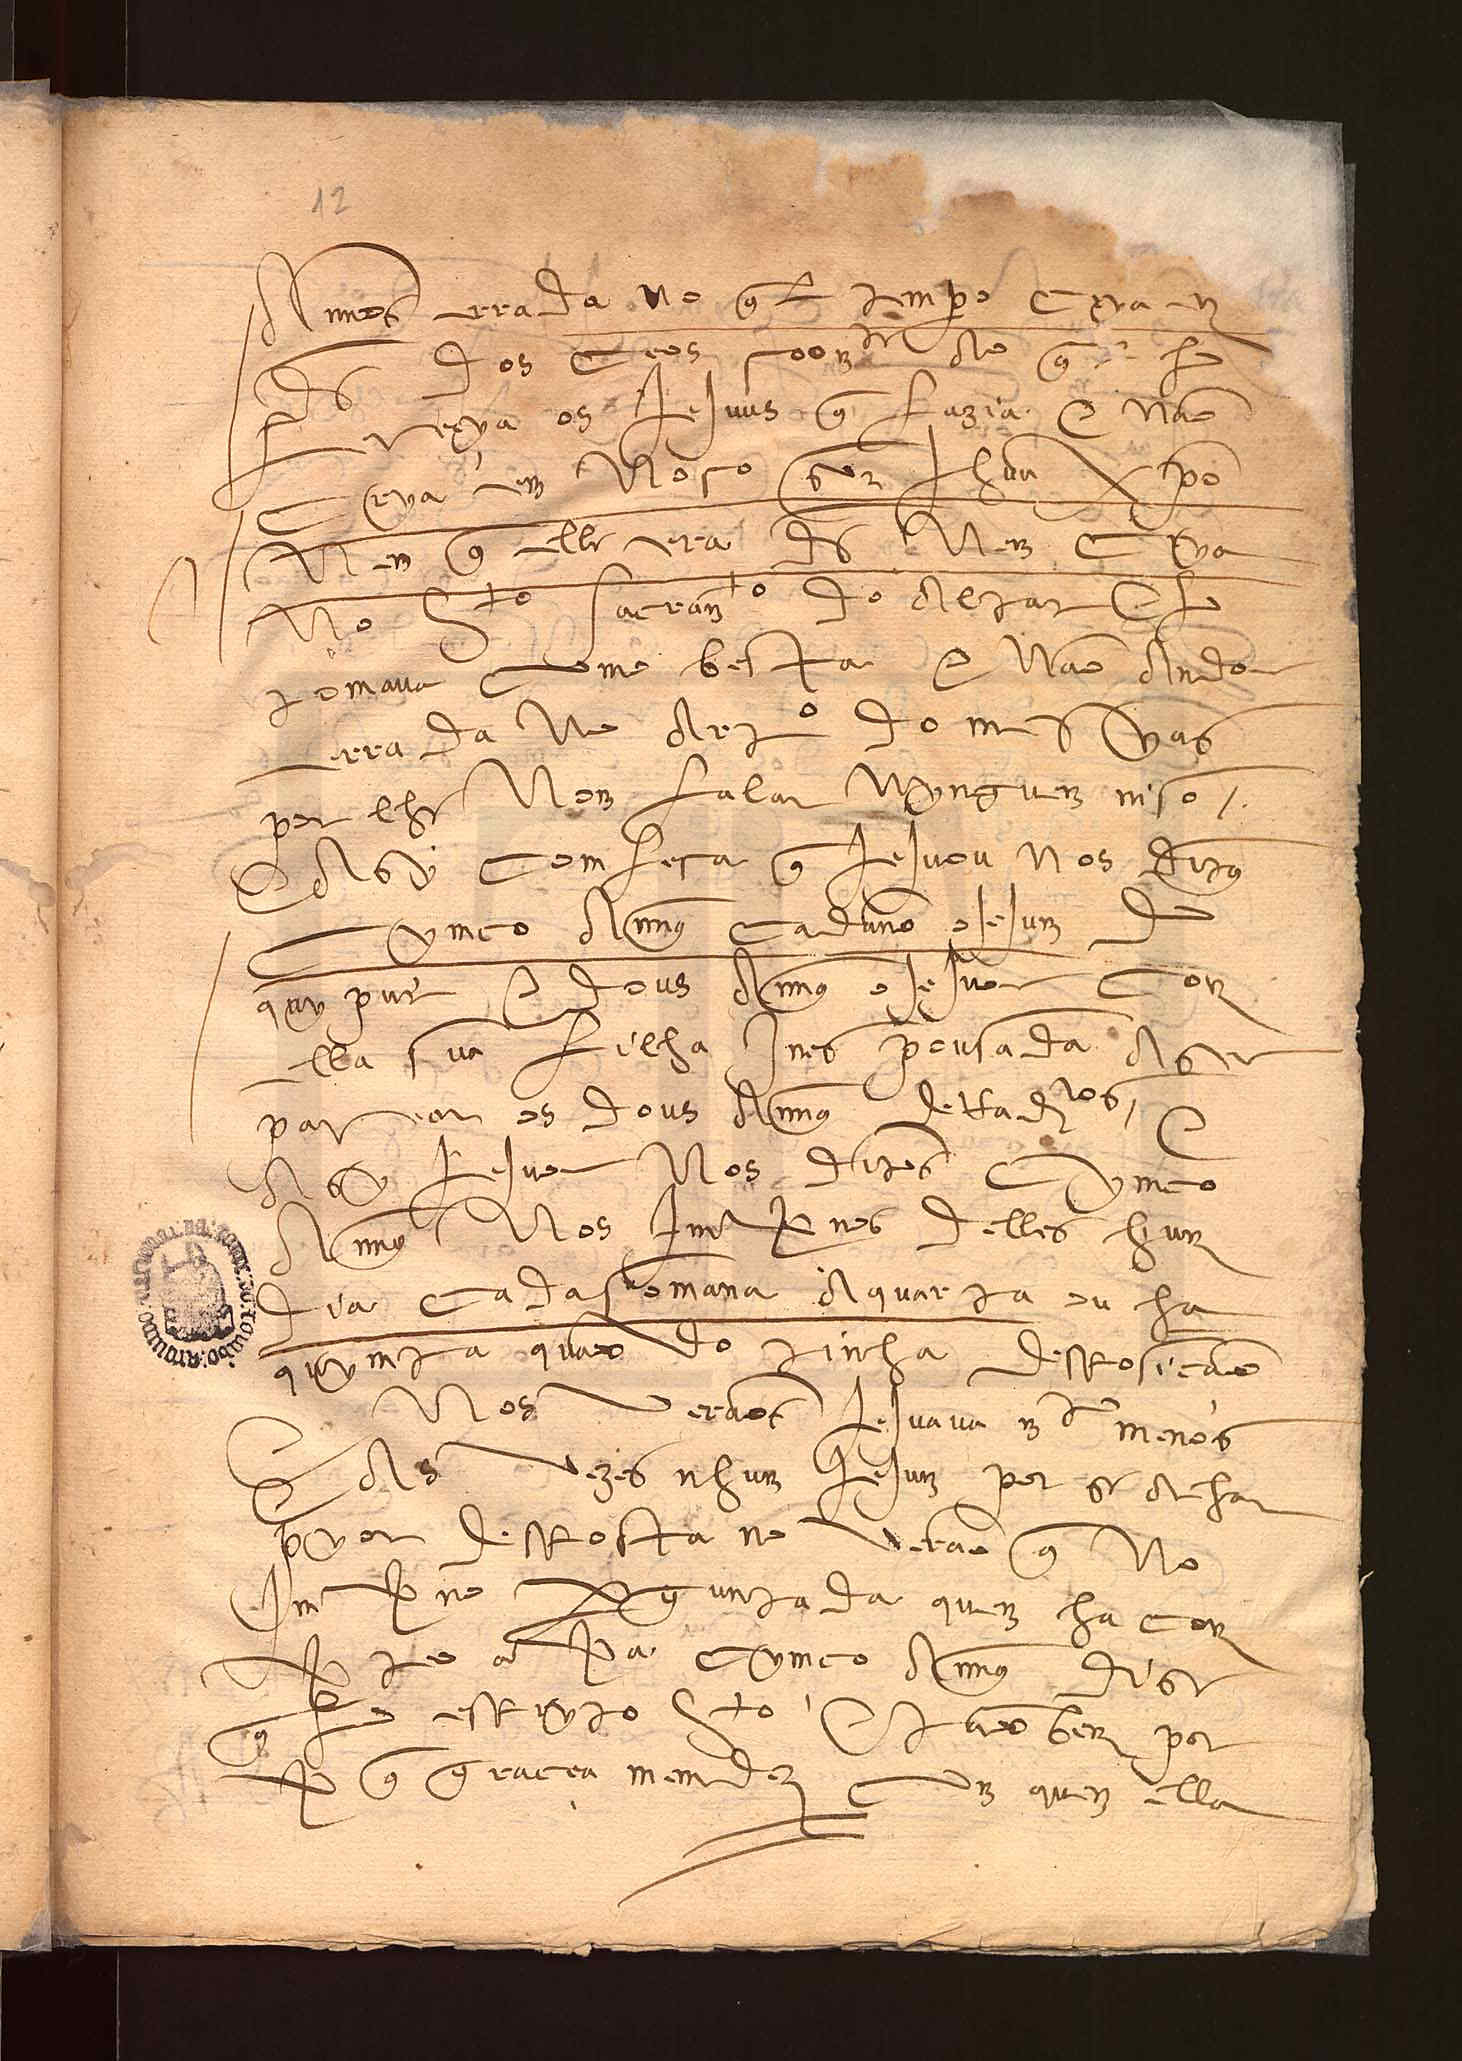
Ann̄os errada no q̄L tempo Crya em
d̄s dos Ceos soomte Ao q̄l ho
freçya os JeJuus q̄ fazia E naõ
Crya em Noso s̄or Jhuū Xp̄o
Nem q̄ elle era d̄s Nem Crya
No Sto Sacramto do Altar e ho
tomaua Como besta E Não Andou
errada No Arto do mesyas
por lhe Nom falar Nynguem niso /.
e Asy Comfesa q̄ JeJuou nos di̅tꝯ
Cymco Annꝯ cadan̄o o JeJum do
quypur E dous An̄nꝯ o JeJuou Com
ella sua filha Jnes pousada A se
parecer os dous Ann̄ꝯ deRadros / E
Asy JeJuou Nos dit̄os Cymco
Ann̄ꝯ Nos Jmꝟnos delles hum
dia Cada Somana A quarta ou ha
quymta quãodo tinha desposição
E Nos verãos JeJuaua mto menos
E As vezes nhum JeJum por se Achar
pyor desposta na Verão q̄ No
Jmꝟno ꝑguntada quem ha com
ꝟteo aꝟa cymco Ann̄ꝯ dise
q̄ ho espryto Sto E tão bem por
ꝟ q̄ graçea memdez Com quem ella
